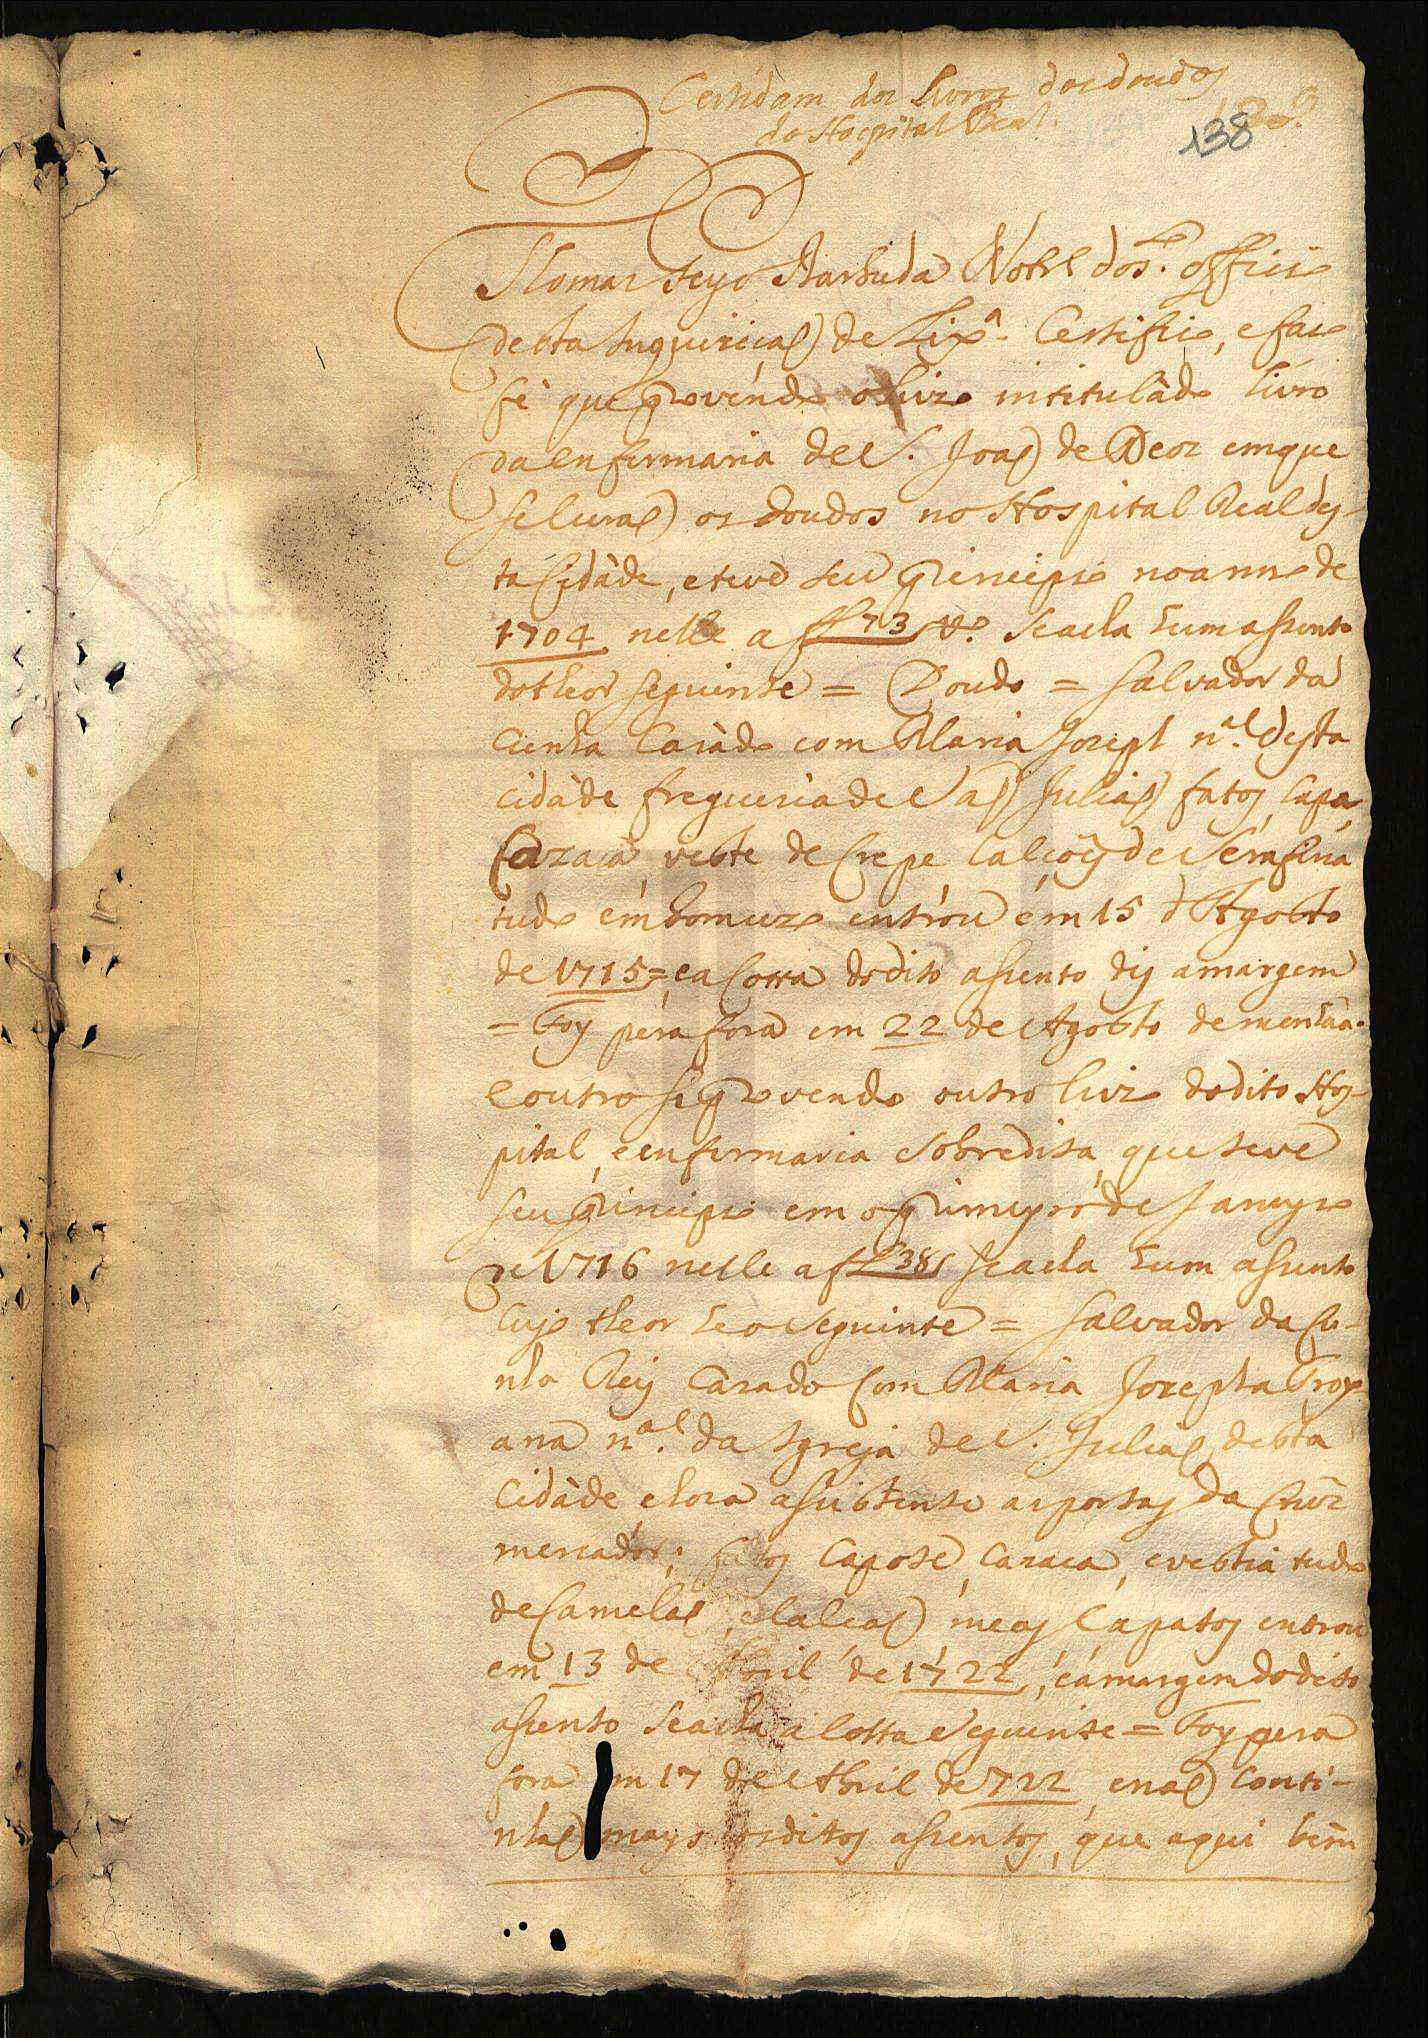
Certidam dos livros dos doudos
do Hospital Real.
Thomas Feyo Barbuda Notr.o do s.to officio
desta Inquiziçaꝭ de Lix.a Certifico, e faço
fe que provendo o livro intitulado livro
da enfermaria de S. Joaõ de Deoz em que
se curaꝭ os doudos no Hospital Real des
ta Cidade, e teve seu principio no anno de
1704 nelle a fl 73 Ꝟ.o Se acha hum assento
do theor seguinte = Doudo = Salvador da
cunha Cazado com Maria Jozeph n.al desta
cidade freguesia de Saꝭ Juliaꝭ fatos, capa,
Cazaca, veste de Crepe calçoẽs de Serafina
tudo em bom uzo entrou em 15 d̄ Agosto
de 1715 =, e a Costa do dito assento dis a margem
= Foy pera fora em 22 de Agosto de menhaā.
e outrosi provendo outro livro do dito Hos
pital, e enfermaria sobredita, que teve
seu principio em o primeyro de Janeyro
de 1716 nelle a fl 38 se acha hum assento
cujo theor he o Seguinte = Salvador da Cu
nha Reis cazado Com Maria Jozepha Troy
ana n.al da Igreja de S. Juliaꝭ desta
cidade e hora assistente as portas da Cruz
mercador; fatos Capote, cazaca, e vestia tudo
de Camelaꝭ, e calçaꝭ meas çapatos entrou
em 13 de Abril de 1722, e a margem do dito
assento se acha a cotta Seguinte = Foy pera
fora _m 17 de Abril de 722, e naꝭ conti
nhaꝭ mays dos ditos assentos, que aqui bem
